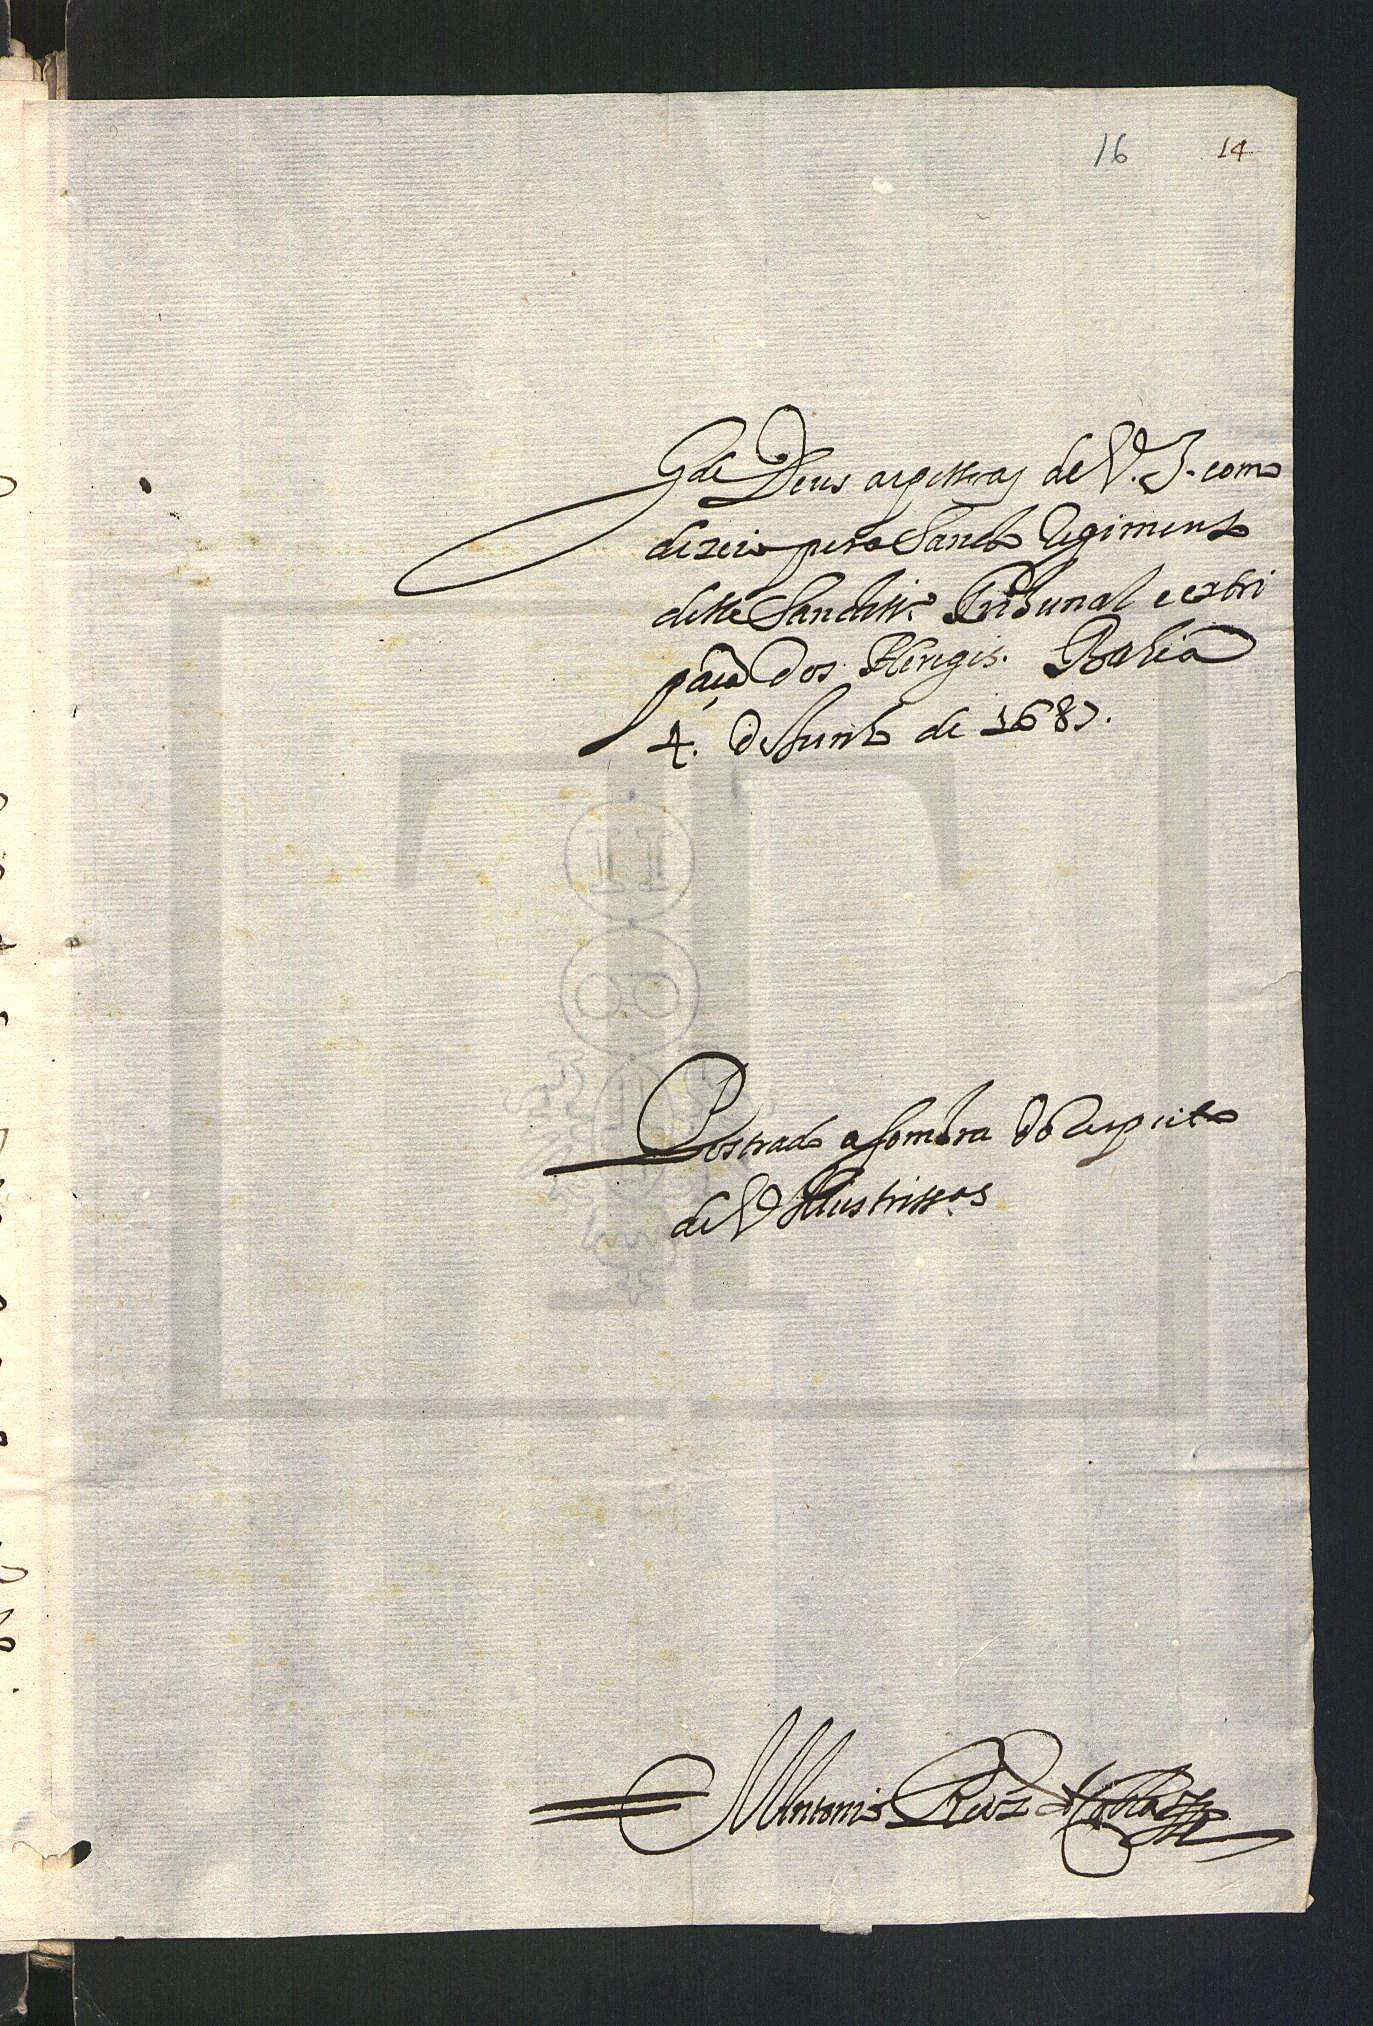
Gde Deus as pessoas de V. J. como
dezeio per o Sancto Regimento
desse Sanctiss.o Tribunal e extri
paçaꝭ dos Hereges. Bahia
4. de Junho de 1687.
Postrado a sombra do Respeito
de V Illustriss.as
